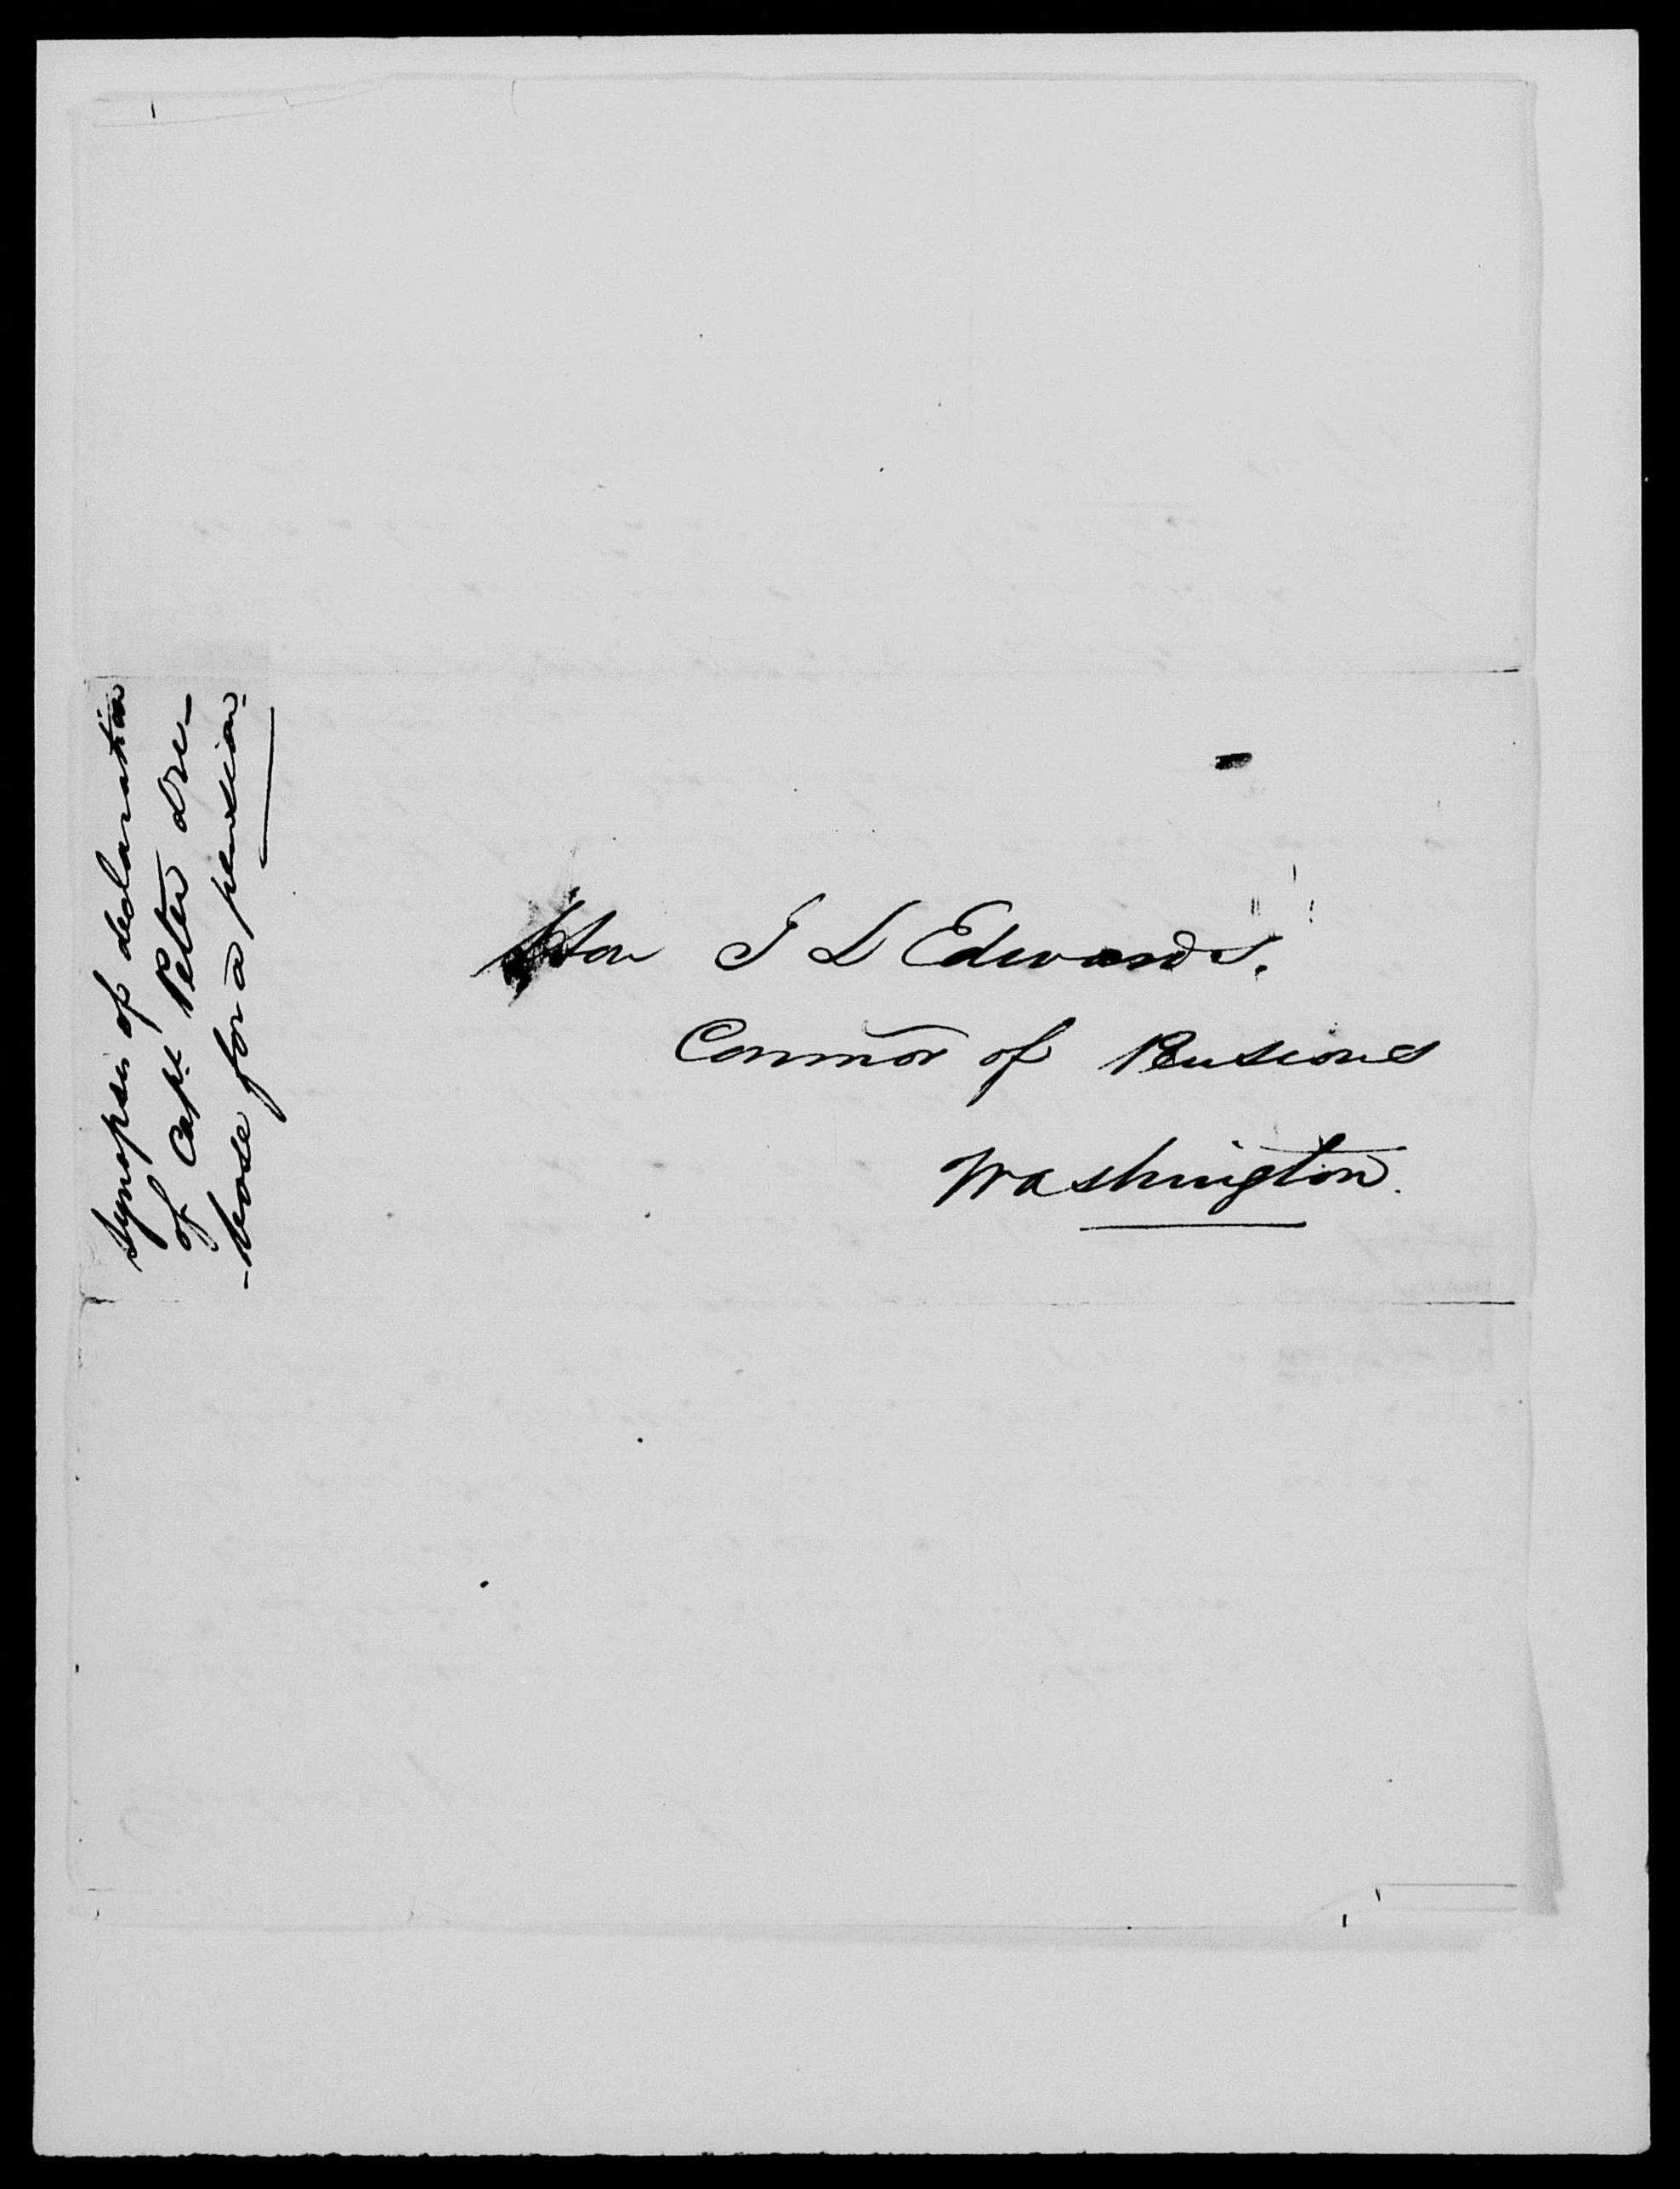[Vertical]
Hon J L Edwards.
Comm of Pensions
Washington

[Horizontal]
Synopsis of declaration
of Capt Peter Dubose
for a pension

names: Peter Dubose, J L Edwards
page: 22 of 43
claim: survivor's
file: S. 21163, Peter Dubose, S.C.